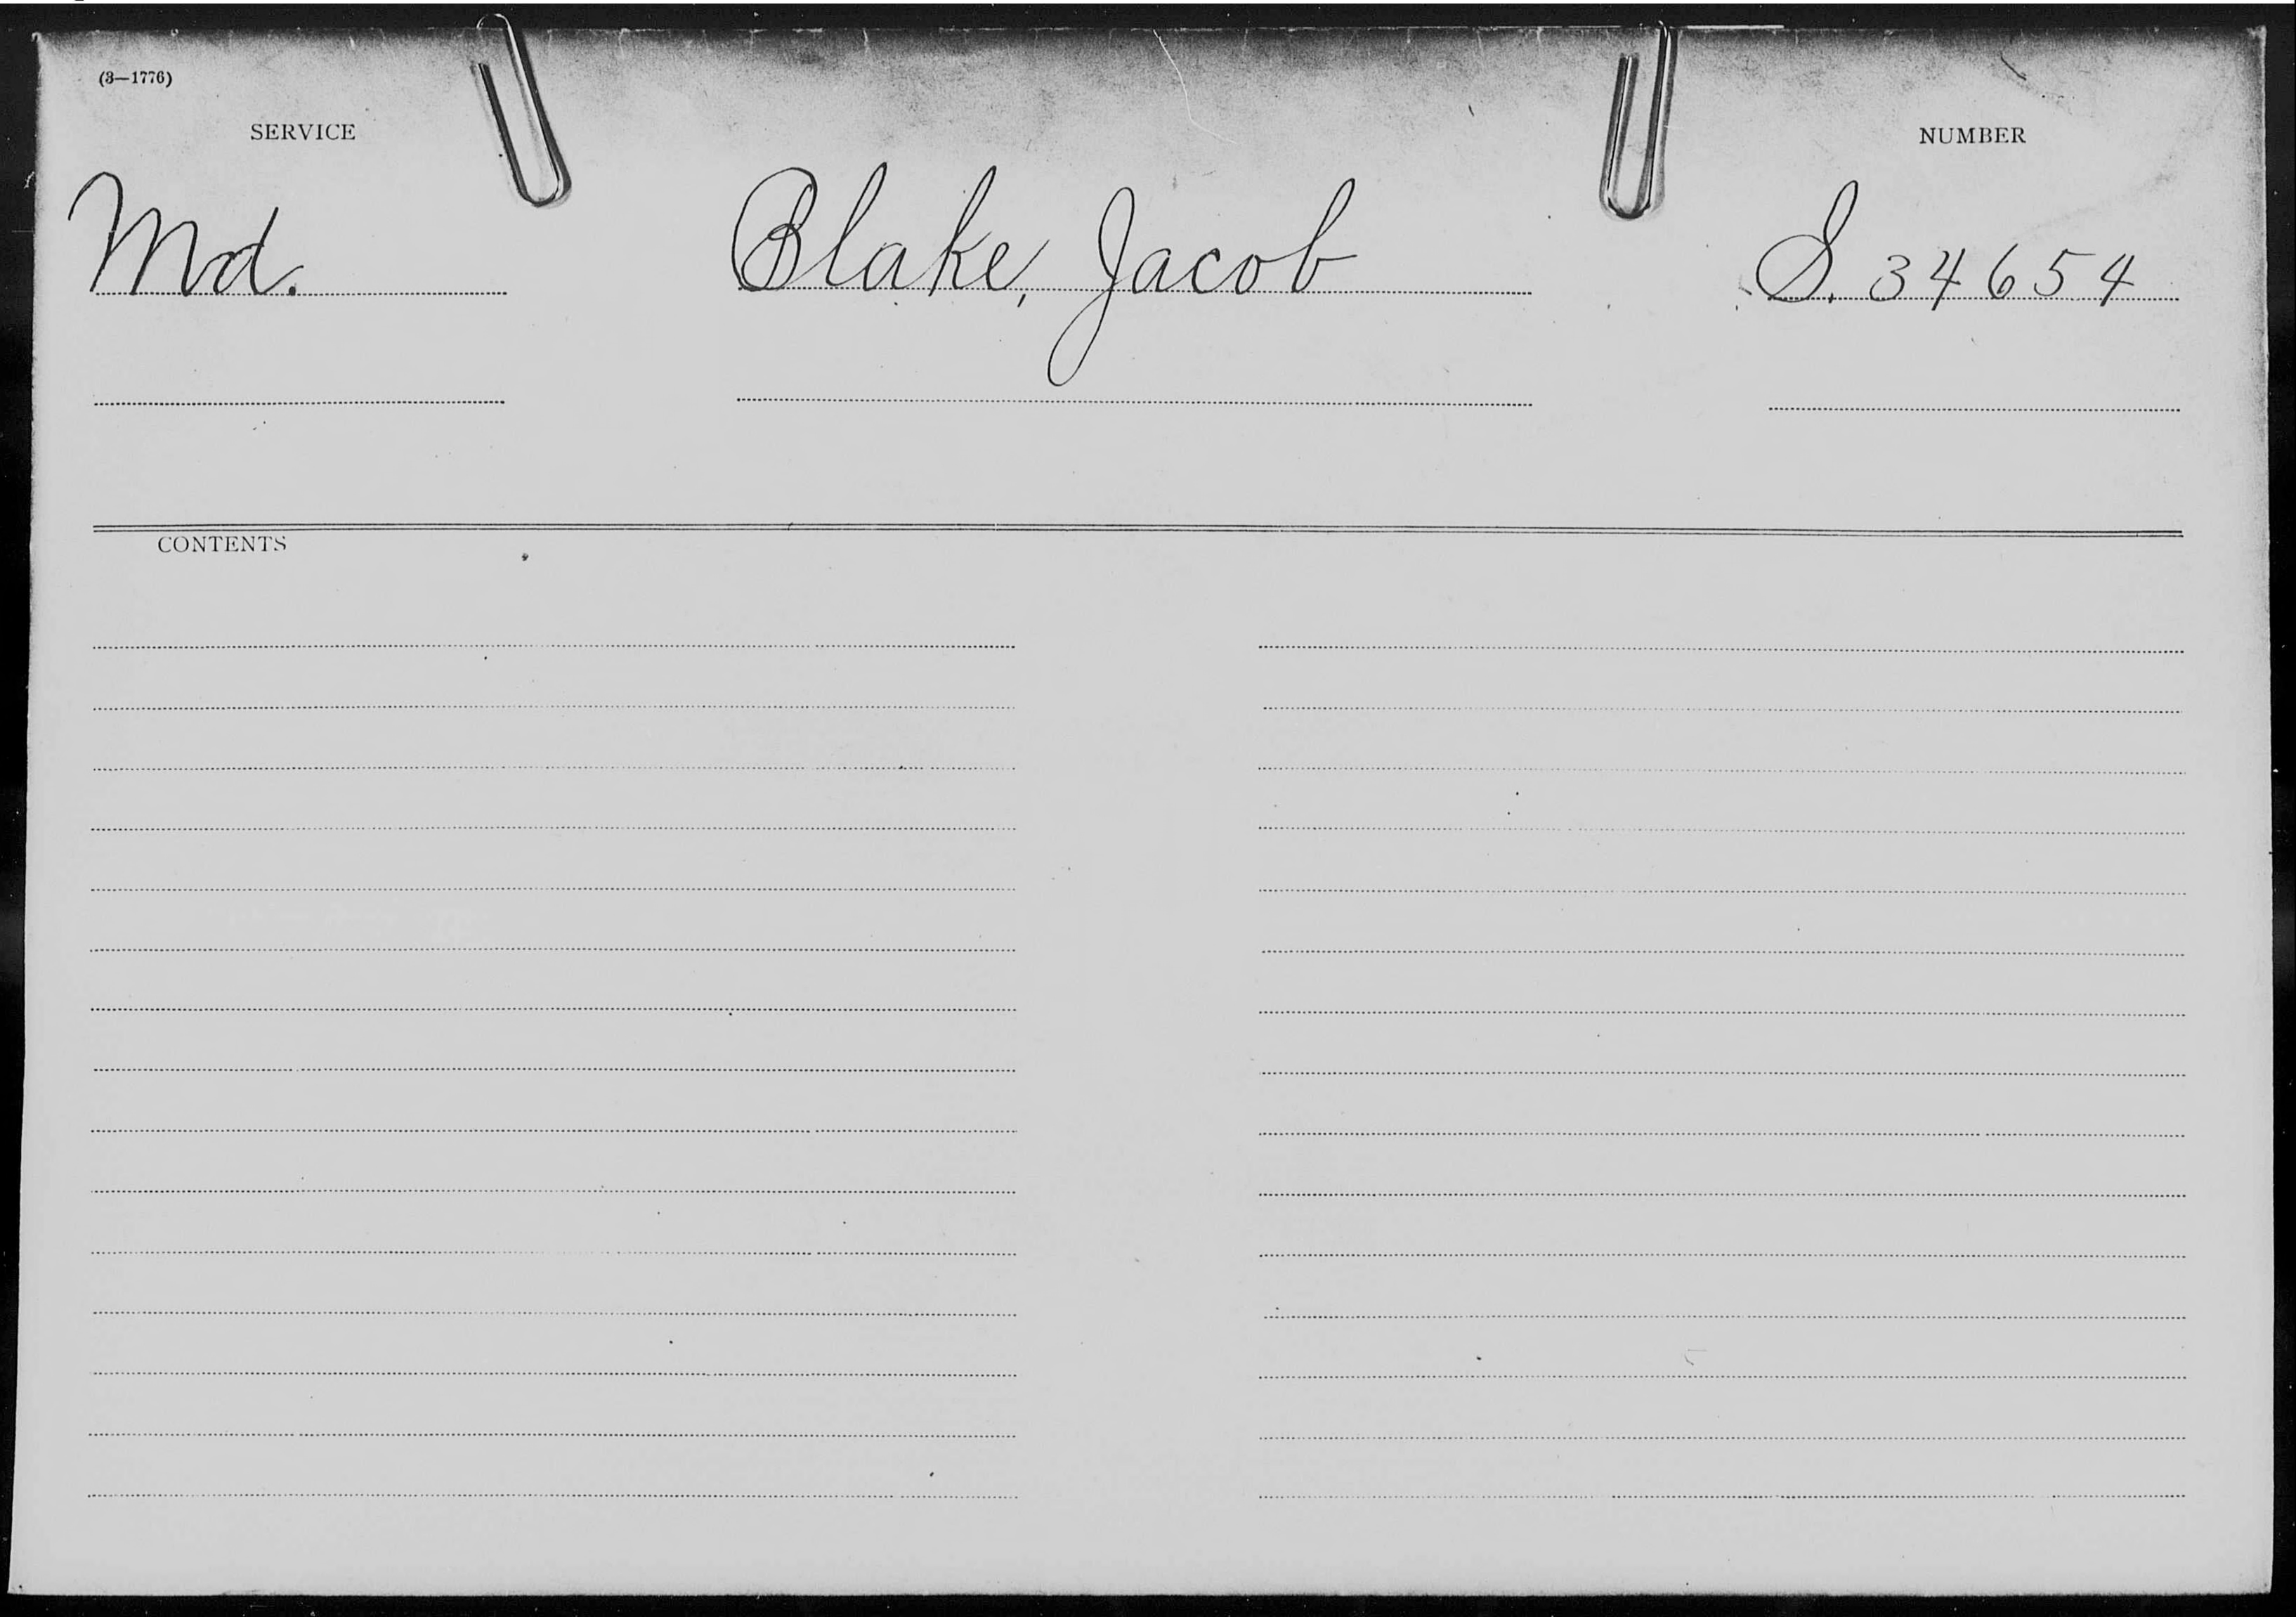(3-1776)

SERVICE Md.

Blake, Jacob

NUMBER S.34654

CONTENTS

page: 1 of 18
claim: survivor's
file: S. 34654, Jacob Blake, Md.